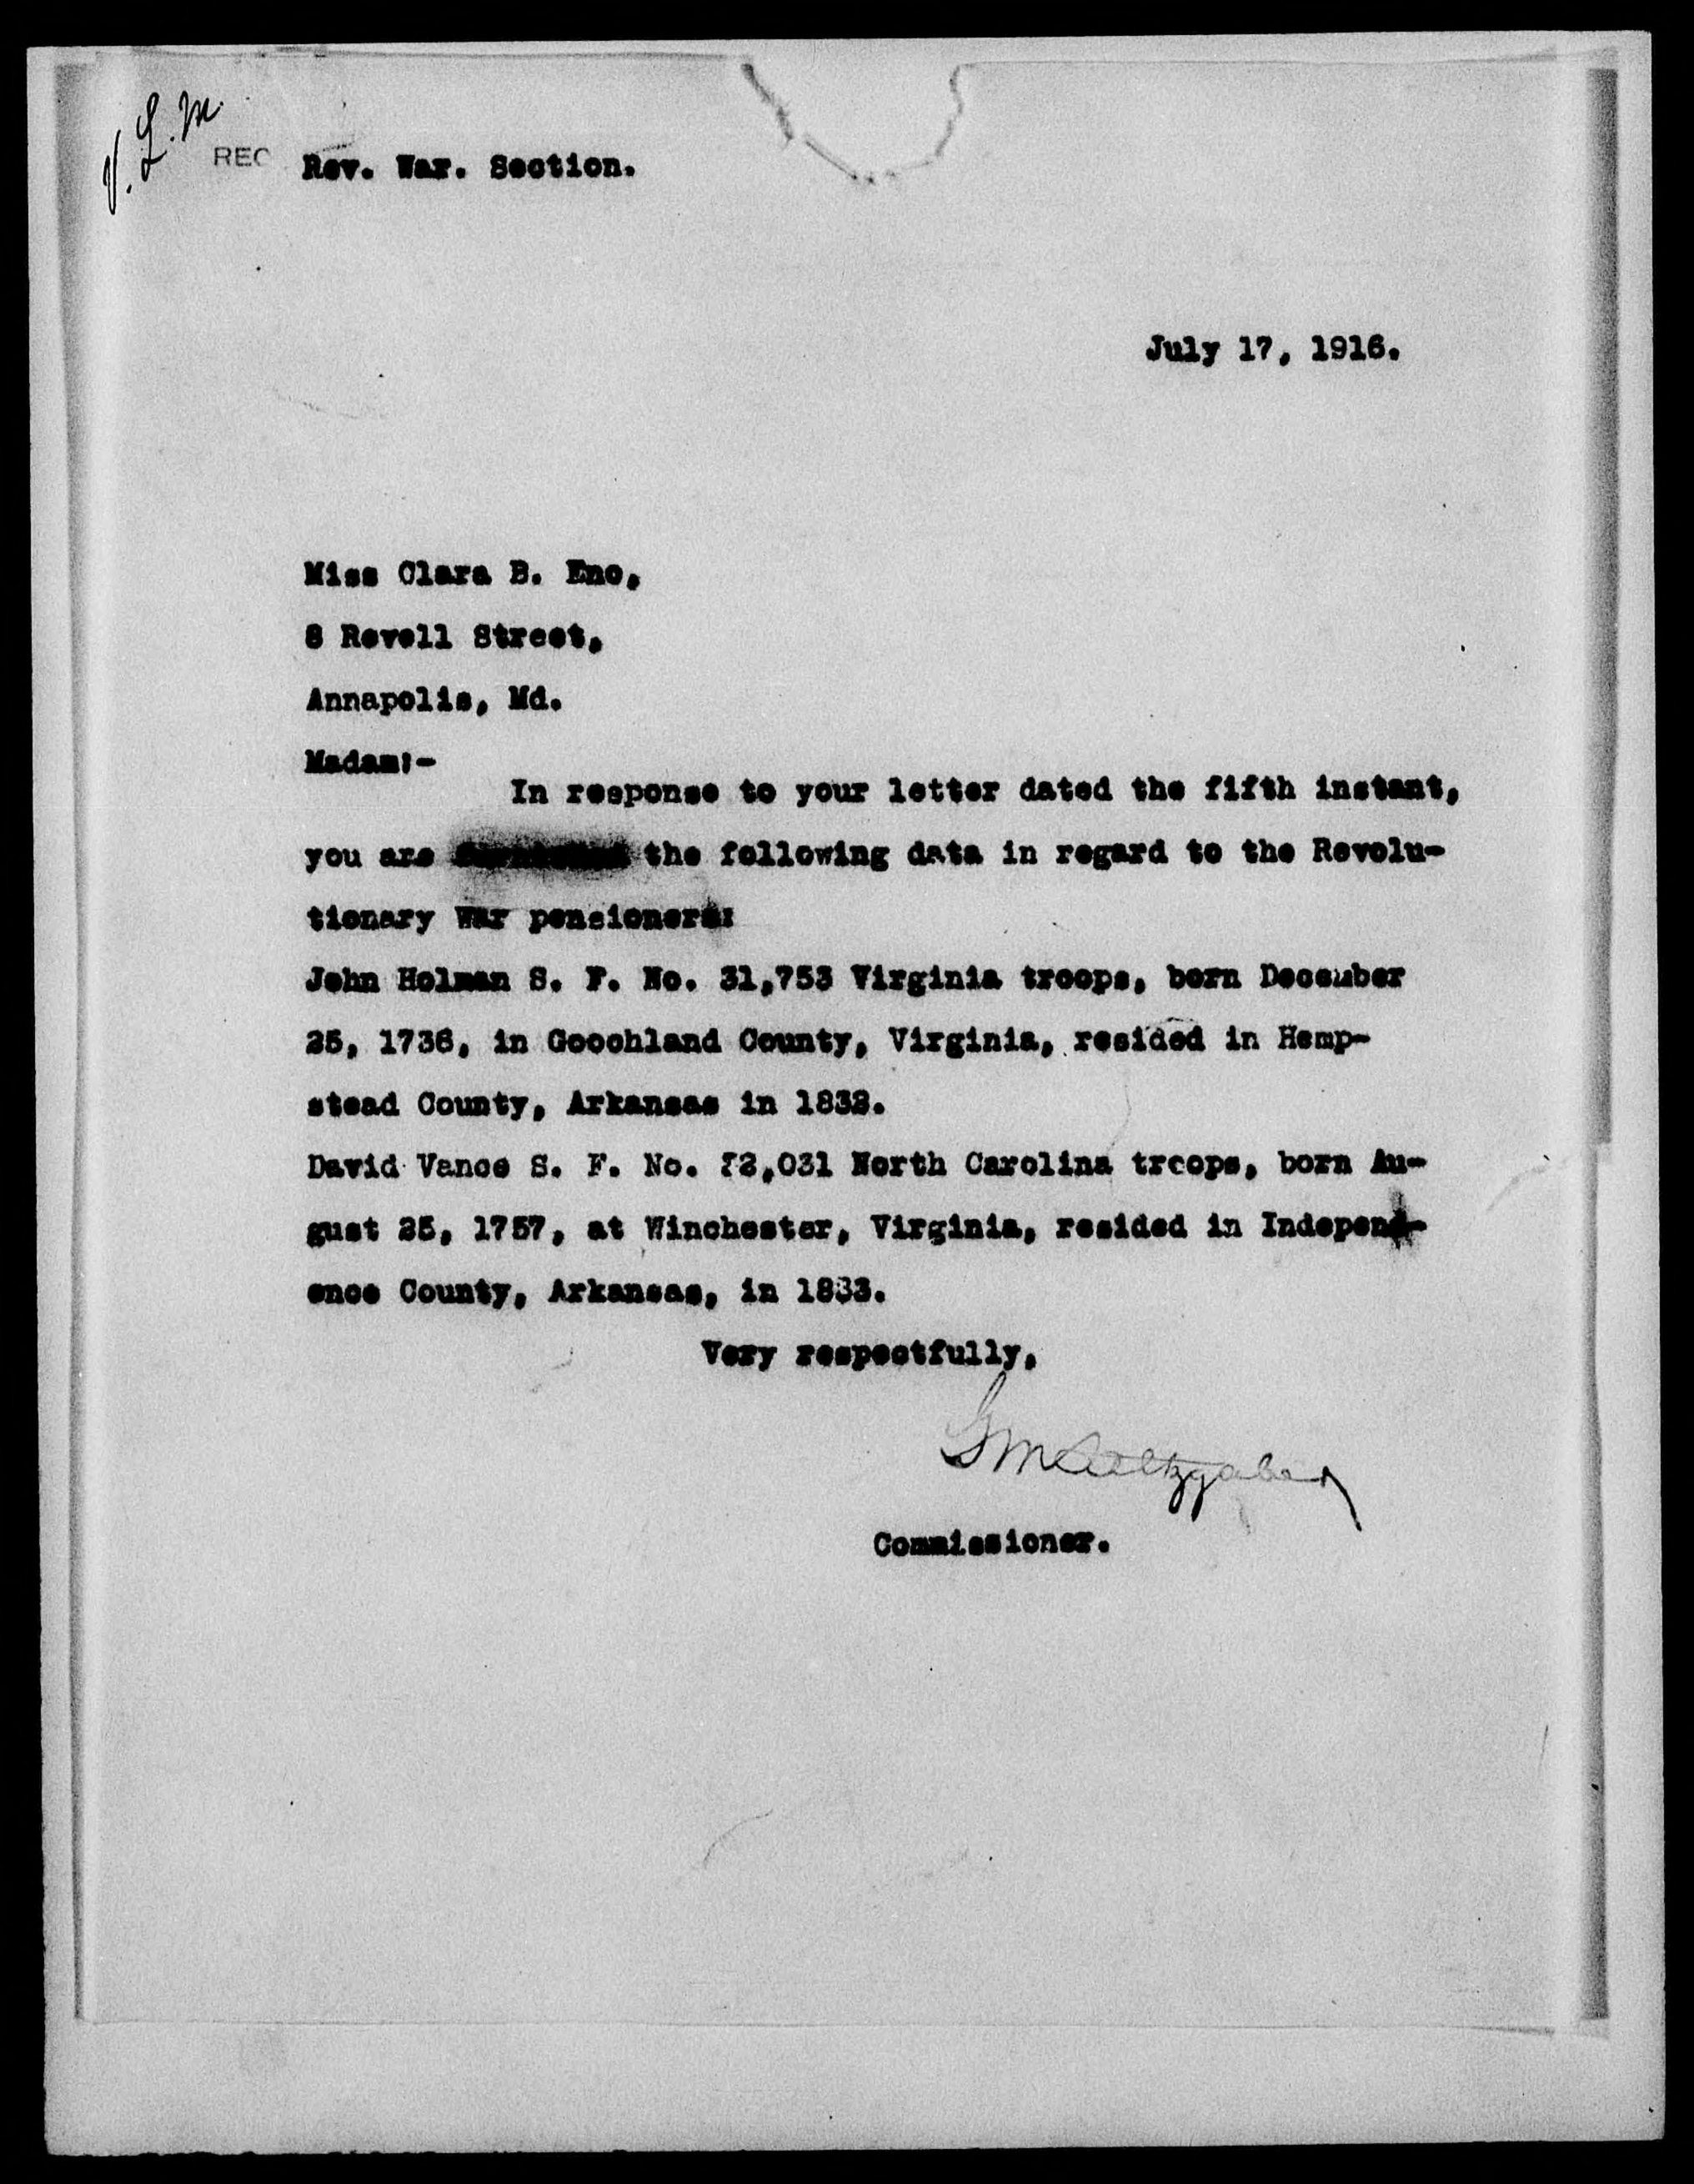V. l. M. REC REV WAR SECTION
July 17, 1916.
Miss Clara B Eno
8 Revell Street,
Annapolis, Md.
Madam-
In response to your letter dated the fifth instant,
you are [illegible] the following data in regard to the 
Revolutionary war pensioners
John Holman  S. F No. 31753 Virginia troops, born December 25, 1736, in Goochland
County, Virginia, resided in Hempstead County , Arkansas in 1832.
David Vance S. F. No. 32,031 North Carolina troops, born  August 25, 1757, 
at Winchester, Virginia , resided in  Independence County, Arkansas, in 1838.
Very respectfully,
GM Saltzgaber
Commissioner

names: Clara B Eno, John Holman, David Vance, G M Saltzgaber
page: 27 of 30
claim: survivor's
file: S. 31753, John Holman, Va.